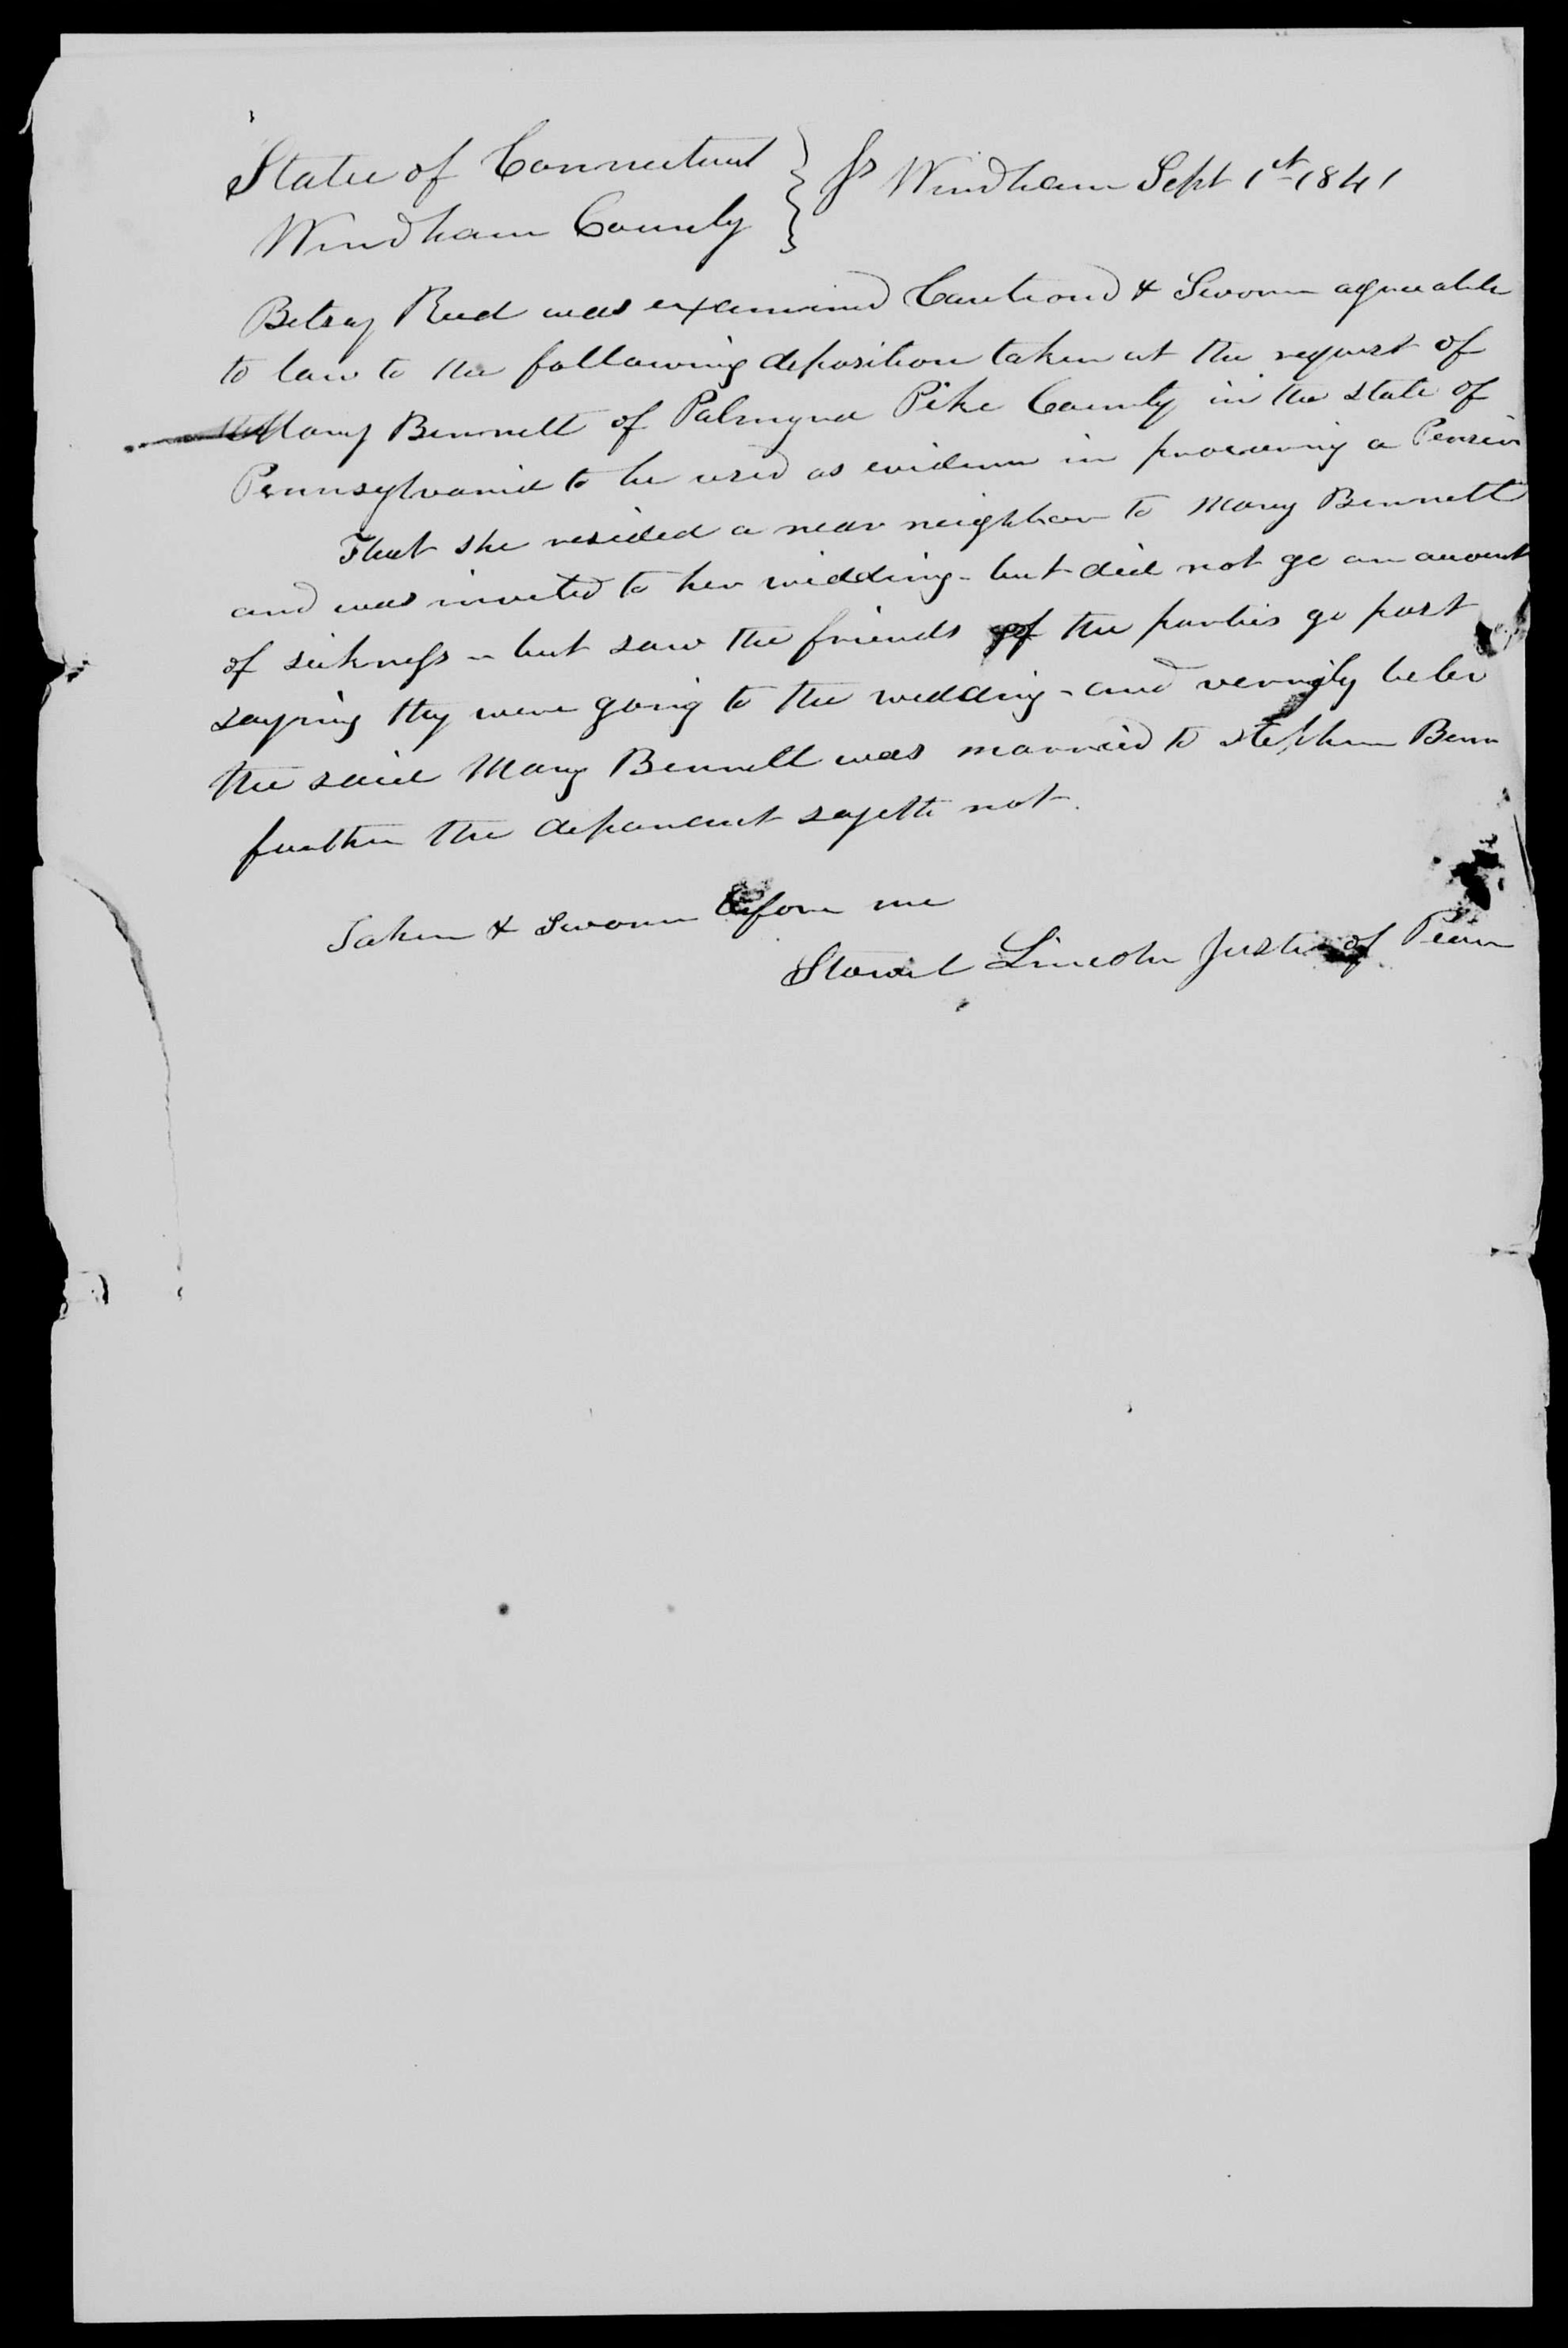State of Connecticut
Windham County
Windham Sept 1st 1841
Betty Reed was examined Cautioned & sworn agreeable
to law to the following deposition taken at the request of
Mary Bennett of Palmyra Pike County in the State of
Pennsylvania to be used as evidence in procuring a pension

That she resided a near neighbor to Mary Bennett 
and was invited to her wedding, but did not go on account
of sickness, but saw the friends of the parties go past
saying they were going to the wedding, and verily believes
the said Mary Bennett was married to Stephen Bennet
further the deponent sayeth not
Taken & Sworn before me
Stowel Lincoln Justice of Peace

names: Stowel Lincoln, Mary Bennett, Mary Bennett, Mary Bennett, Mary Bennett, Betsey Reed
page: 40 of 79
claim: widow's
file: W. 2,906, Stephen Bennet, Conn.